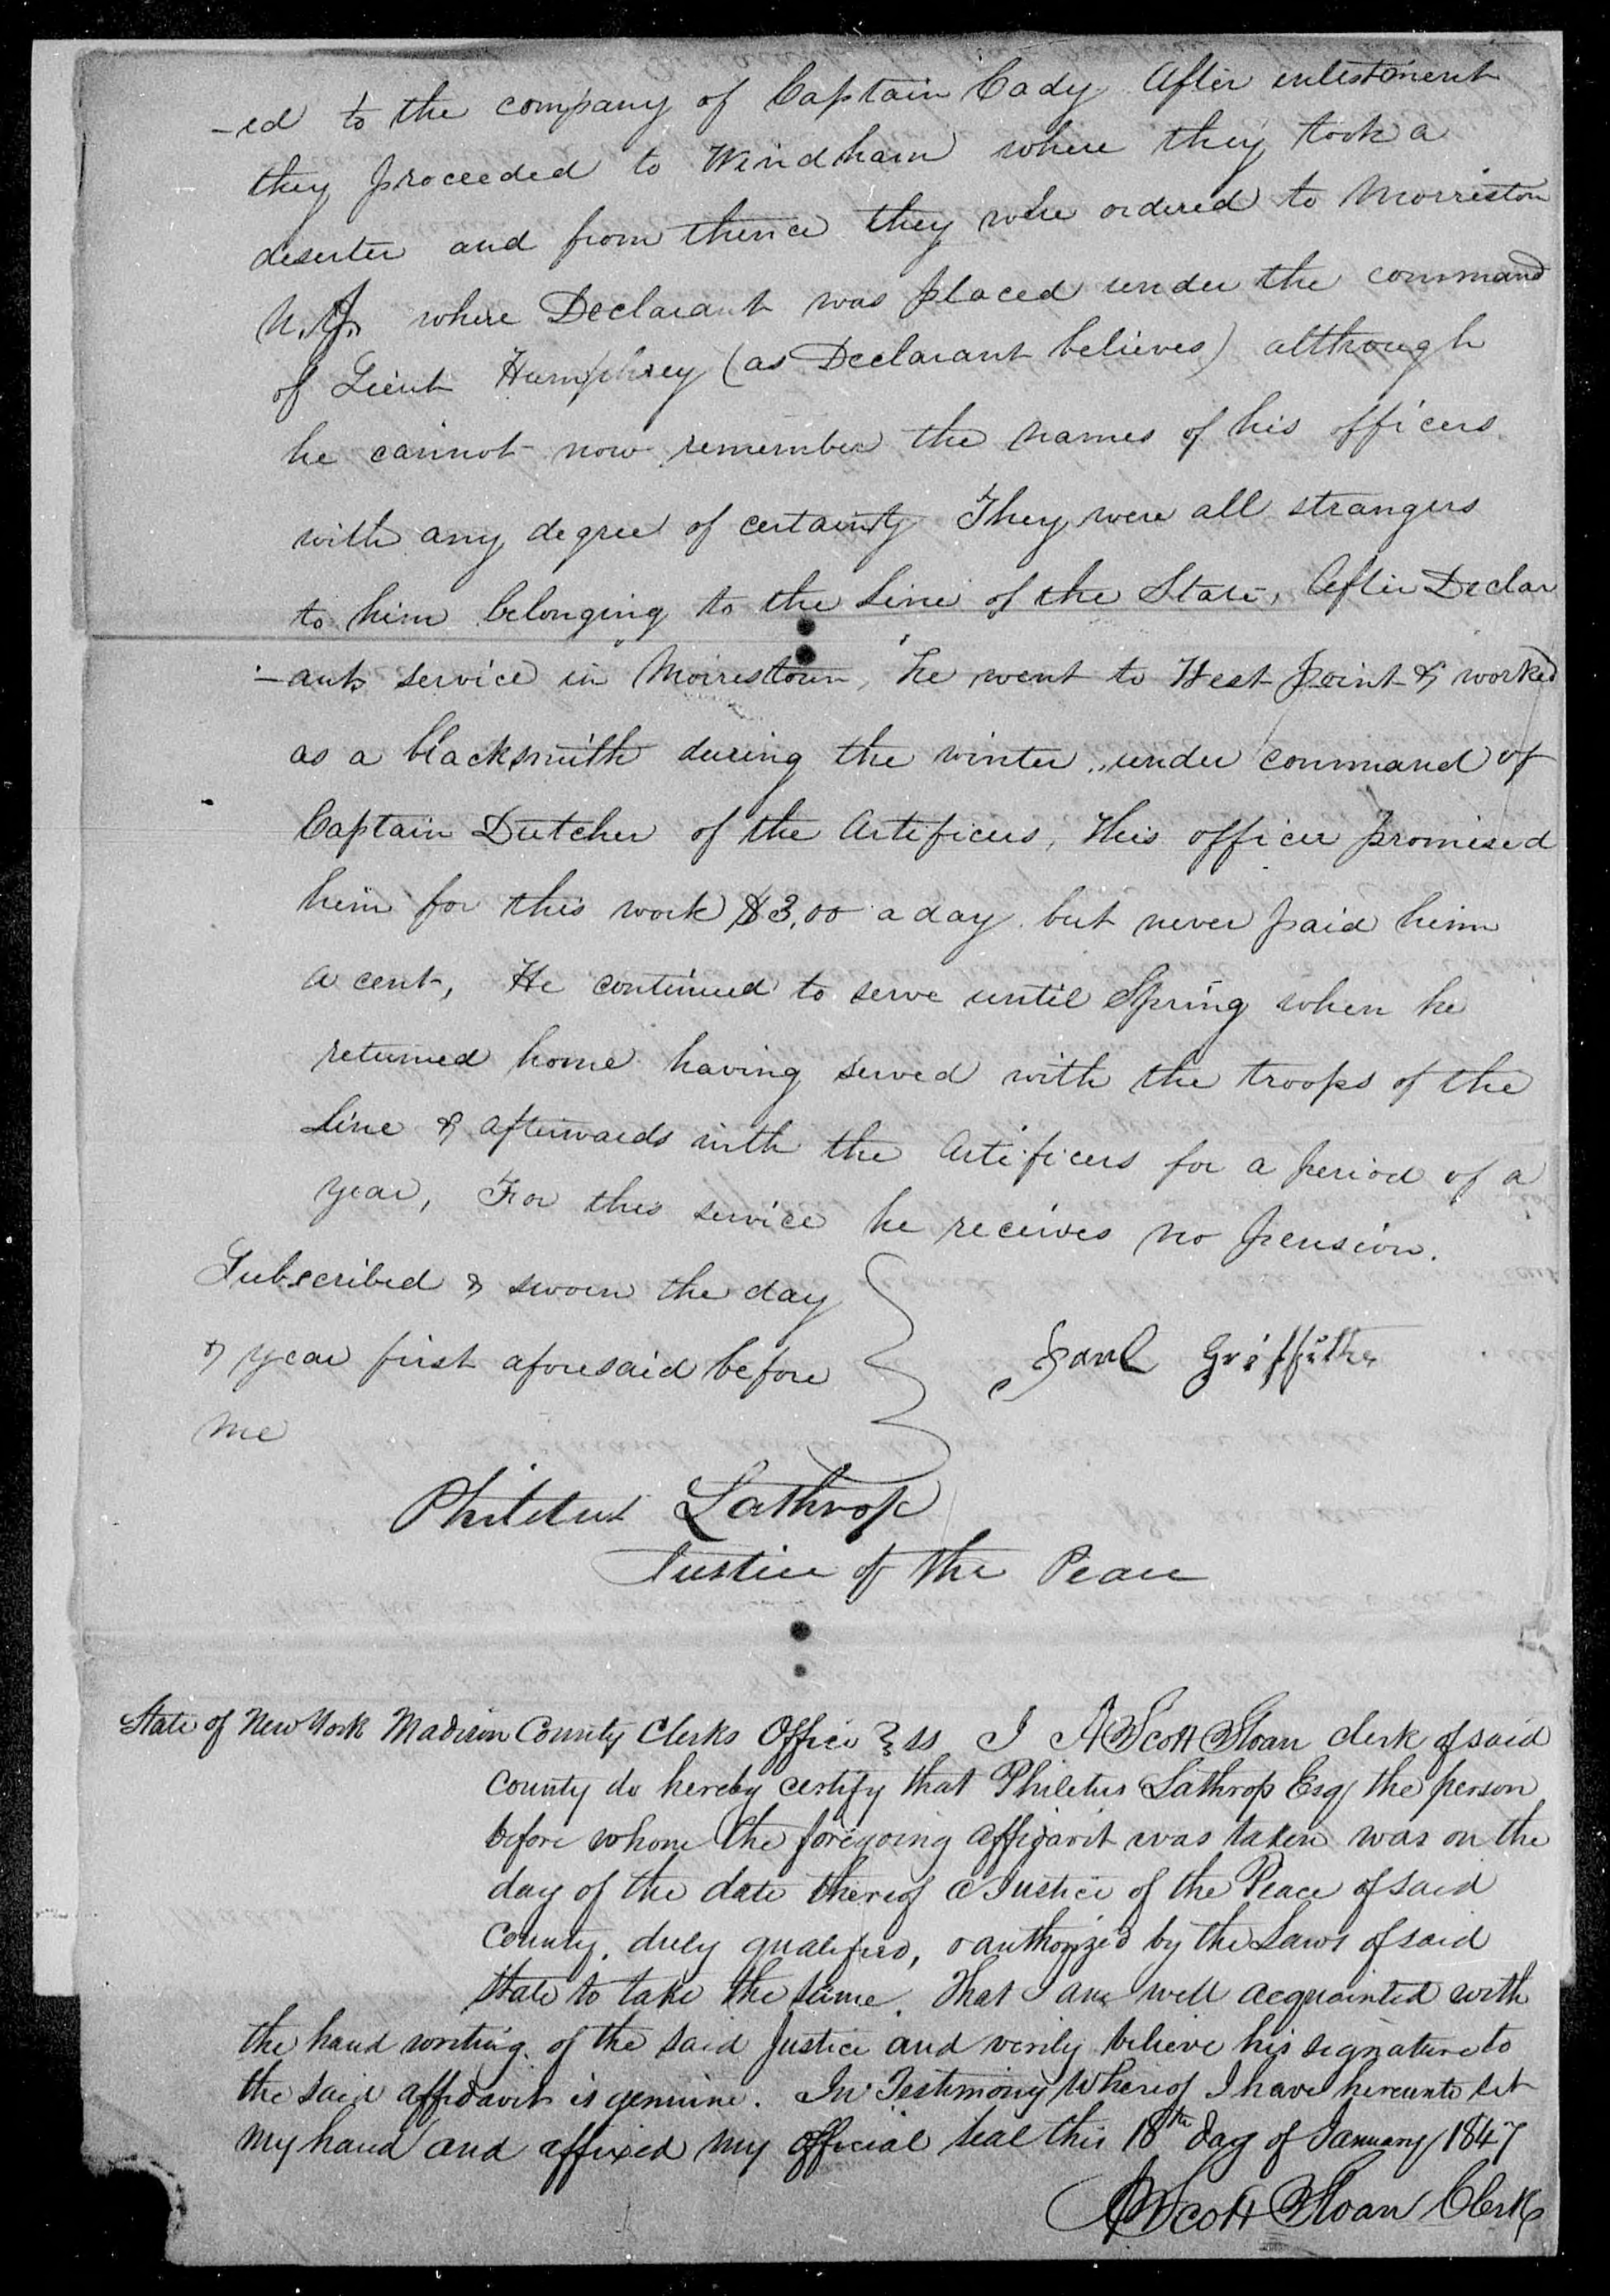-ed to the company of Captain Cady. After inlistment
they proceeded to Windham where they took a
deserter and from thence they were ordered to Morriston
N. J. where declarant was placed under the command
of Lieut. Humphrey (as declarant believes) although
he cannot now remember the names of his officers
with any degree of certainty. They were all strangers
to him belonging to the line of the State. After Declarant’s
service in Morristown, he went to West Point & worked
as a blacksmith during the winter under command of
Captain Dutcher of the Artificers. This officer promised
him for this work $3.00 a day, but never paid him
a cent. He continued to serve until Spring when he
returned home having served with the troops of the
line & afterwards with the Artificers for a period of a
year, for this service he receives no pension.
Paul Griffiths
Subscribed & sworn the day
& year first aforesaid before me }
Philetus Lathrop
Justice of the Peace
State of New York Madison County Clerks Office} ss 
I A. Scott Sloan Clerk of said
County do hereby certify that Philetus Lathrop Esq. the person
before whom the foregoing affidavit was taken was on the
day of the date thereof a Justice of the Peace of said
County, duly qualified, authorized by the Laws of said
State to take the same. That I am well acquainted with
the hand writing of the said Justice and verily believe his signature to
the said affidavit is genuine. In Testimony whereof I have hereunto set
my hand and affixed my official seal this 18th day of January 1847
A. Scott Sloan Clerk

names: Philetus Lathrop, Cady, Humphrey, Dutcher, A Scott Sloan, A Scott Sloan, Paul Griffiths, Philetus Lathrop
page: 55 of 61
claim: survivor's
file: S. 22798, Paul Griffiths, R.I.